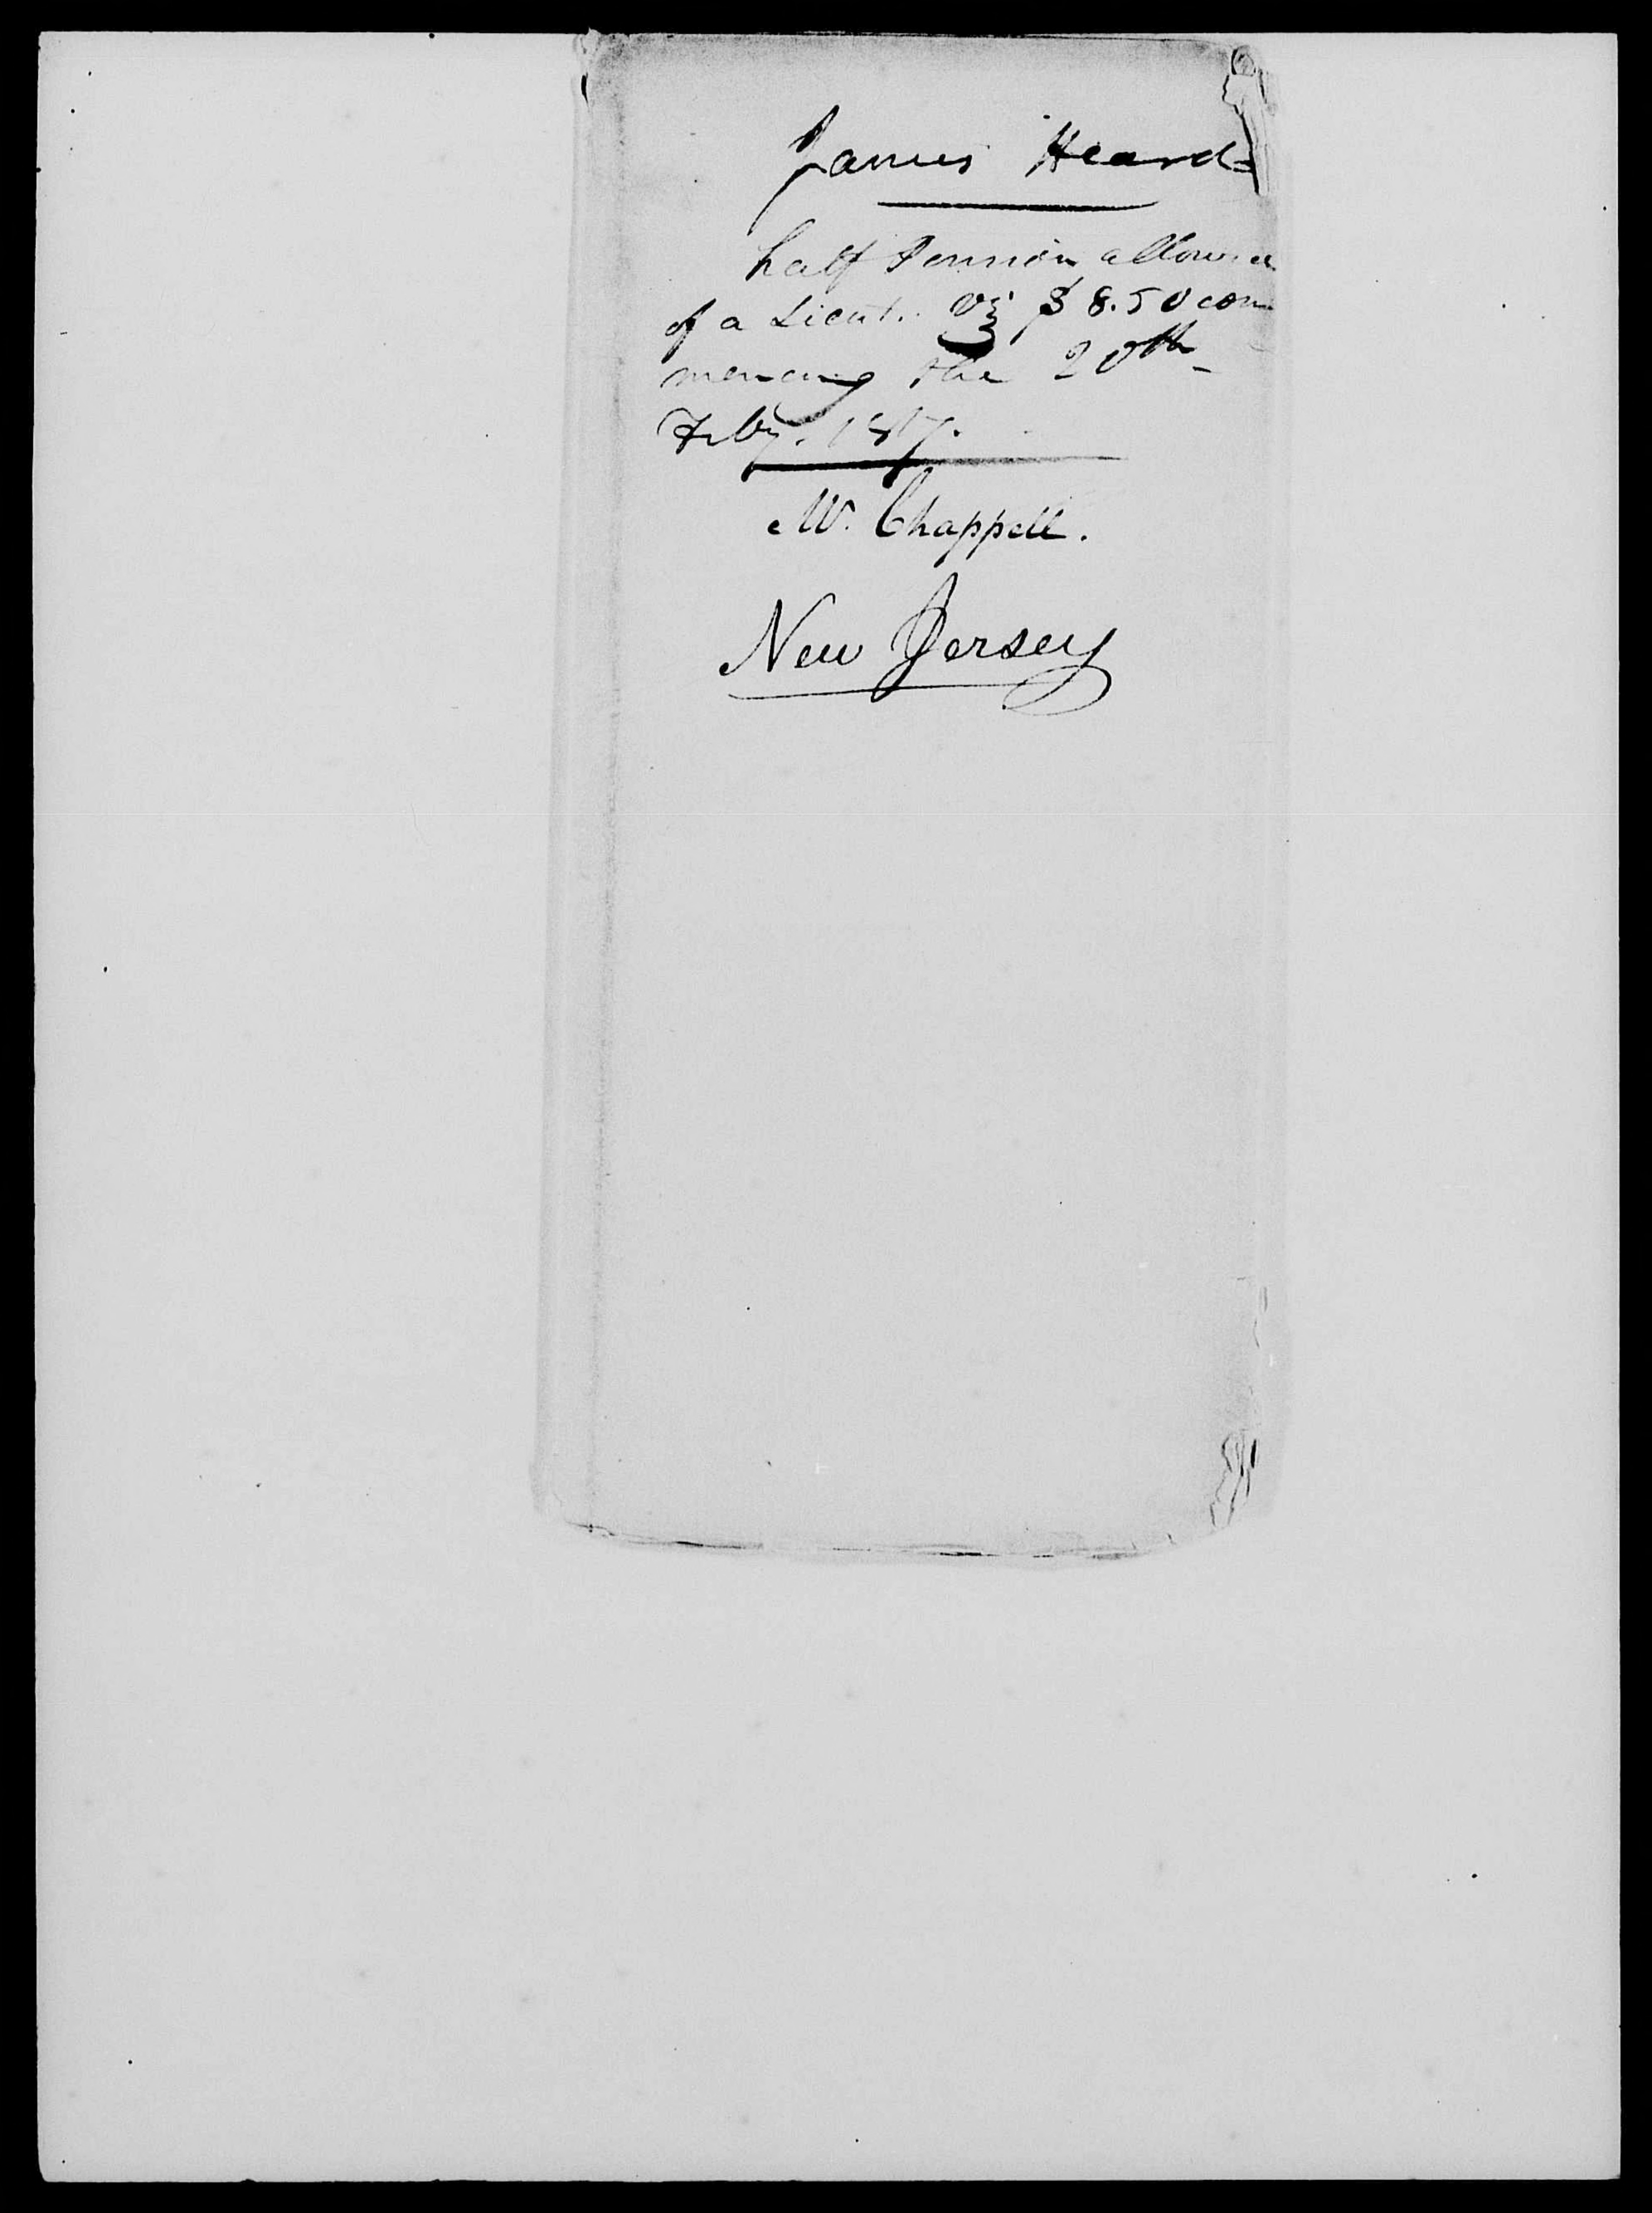James Heard 
Half pension allowance of a Lieut. at $8.50 commencing the 20th February 1817.
W. Chappell
New Jersey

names: W Chappell, James Heard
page: 16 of 62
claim: survivor's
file: S. 540, James Heard, Continental - New Jersey Residence In 1818